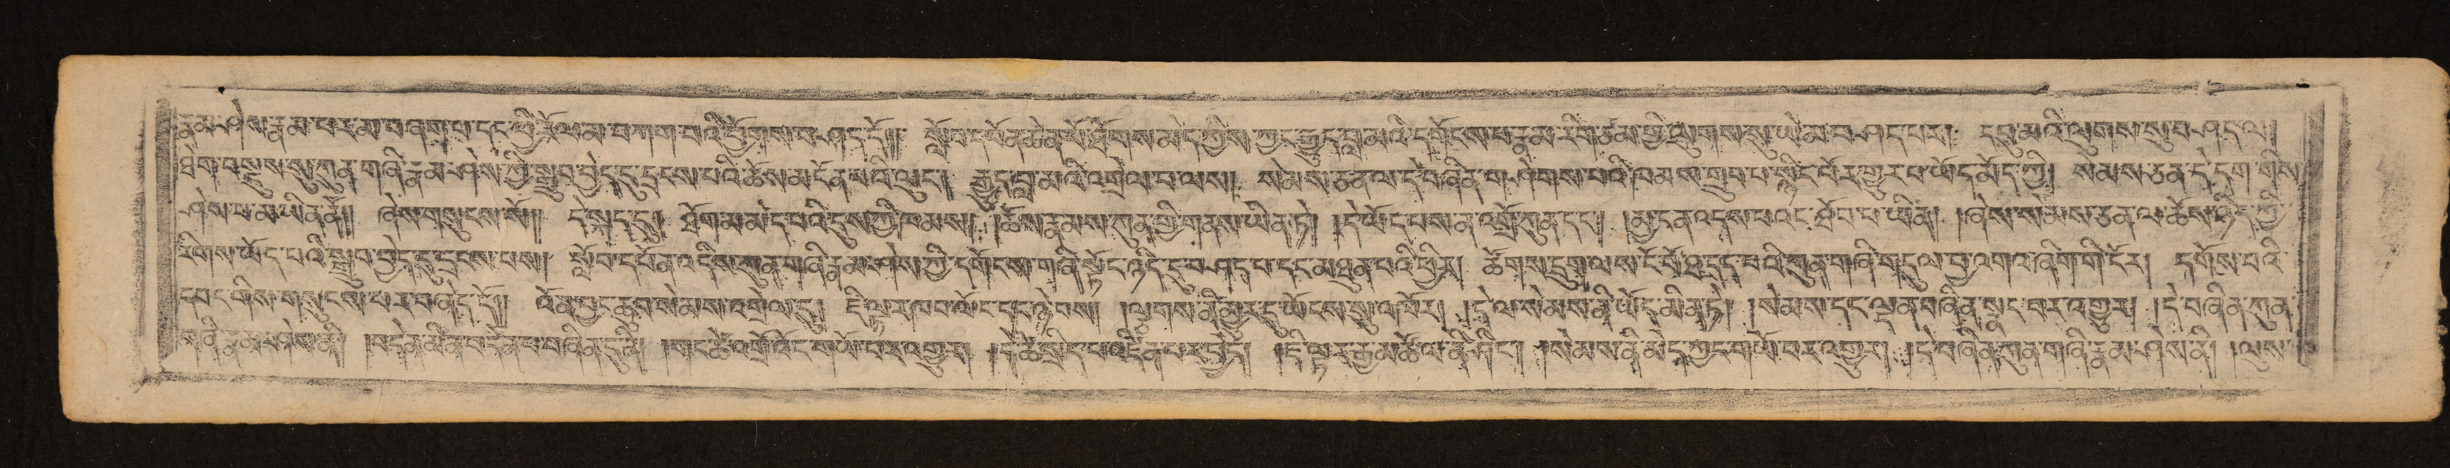རྣམ་ཤེས་རྣམ་པར་མ་བཞག་པ་དང་ཕྱི་རོལ་མ་བཀག་པའི་ཕྱོགས་བཤད་དོ།། སློབ་དཔོན་ཆེན་པོ་ཐོགས་མེད་ཀྱིས་ཀྱང་རྒྱུད་བླ་མའི་དགོངས་པ་རྣམ་རིག་ཙམ་གྱི་ལུགས་སུ་ཡེ་མ་བཤད་པར། དབུ་མའི་ལུགས་སུ་བཤད་ལ།
ཐེག་བསྡུས་སུ་ཀུན་གཞི་རྣམ་ཤེས་ཀྱི་སྒྲུབ་བྱེད་དུ་དྲངས་པའི་ཆོས་མངོན་པའི་ལུང་། རྒྱུད་བླ་མའི་འགྲེལ་པ་ལས། སེམས་ཅན་ལ་དེ་བཞིན་གཤེགས་པའི་ཁམས་གྲུབ་པ་སྙིང་པོར་གྱུར་པ་ཡོད་མོད་ཀྱི། སེམས་ཅན་དེ་དག་གིས་
ཤེས་པ་མ་ཡིན་ནོ།། ཞེས་གསུངས་སོ།། དེ་སྐད་དུ། ཐོག་མ་མེད་པའི་དུས་ཀྱི་ཁམས། །ཆོས་རྣམས་ཀུན་གྱི་གནས་ཡིན་ཏེ། །དེ་ཡོད་པས་ན་འགྲོ་ཀུན་དང་། །མྱ་ངན་འདས་པའང་ཐོབ་པ་ཡིན། །ཞེས་སེམས་ཅན་ལ་ཆོས་ཉིད་ཀྱི་
རིགས་ཡོད་པའི་སྒྲུབ་བྱེད་དུ་དྲངས་པས། སློབ་དཔོན་འདིས་ཀུན་གཞི་རྣམ་ཤེས་ཀྱི་དགོངས་གཞི་སྟོང་ཉིད་དུ་བཤད་པ་དང་མཐུན་པའི་ཕྱིར། ཚོགས་དྲུག་ལས་ངོ་བོ་ཐ་དད་པའི་ཀུན་གཞི་གདུལ་བྱ་འགའ་ཞིག་གི་ངོར། དགོས་པའི་
དབང་གིས་གསུངས་པར་བཞེད་དོ།། འོ་ན་བྱང་ཆུབ་སེམས་འགྲེལ་དུ། ཇི་ལྟར་ཁབ་ལེན་དང་ཉེ་བས། །ལྕགས་ནི་མྱུར་དུ་ཡོངས་སུ་འཁོར། །དེ་ལ་སེམས་ནི་ཡོད་མིན་ཏེ། །སེམས་དང་ལྡན་བཞིན་སྣང་བར་འགྱུར། །དེ་བཞིན་ཀུན་
གཞི་རྣམ་ཤེས་ནི། །བདེན་མིན་བདེན་པ་བཞིན་དུ་ནི། །གང་ཚེ་འགྲོ་འོང་གཡོ་བར་འགྱུར། །དེ་ཚེ་སྲིད་པ་འཛིན་པར་བྱེད། །ཇི་ལྟར་རྒྱ་མཚོ་ལ་ནི་ཤིང་། །སེམས་ནི་མེད་ཀྱང་གཡོ་བར་འགྱུར། །དེ་བཞིན་ཀུན་གཞི་རྣམ་ཤེས་ནི། །ལུས་